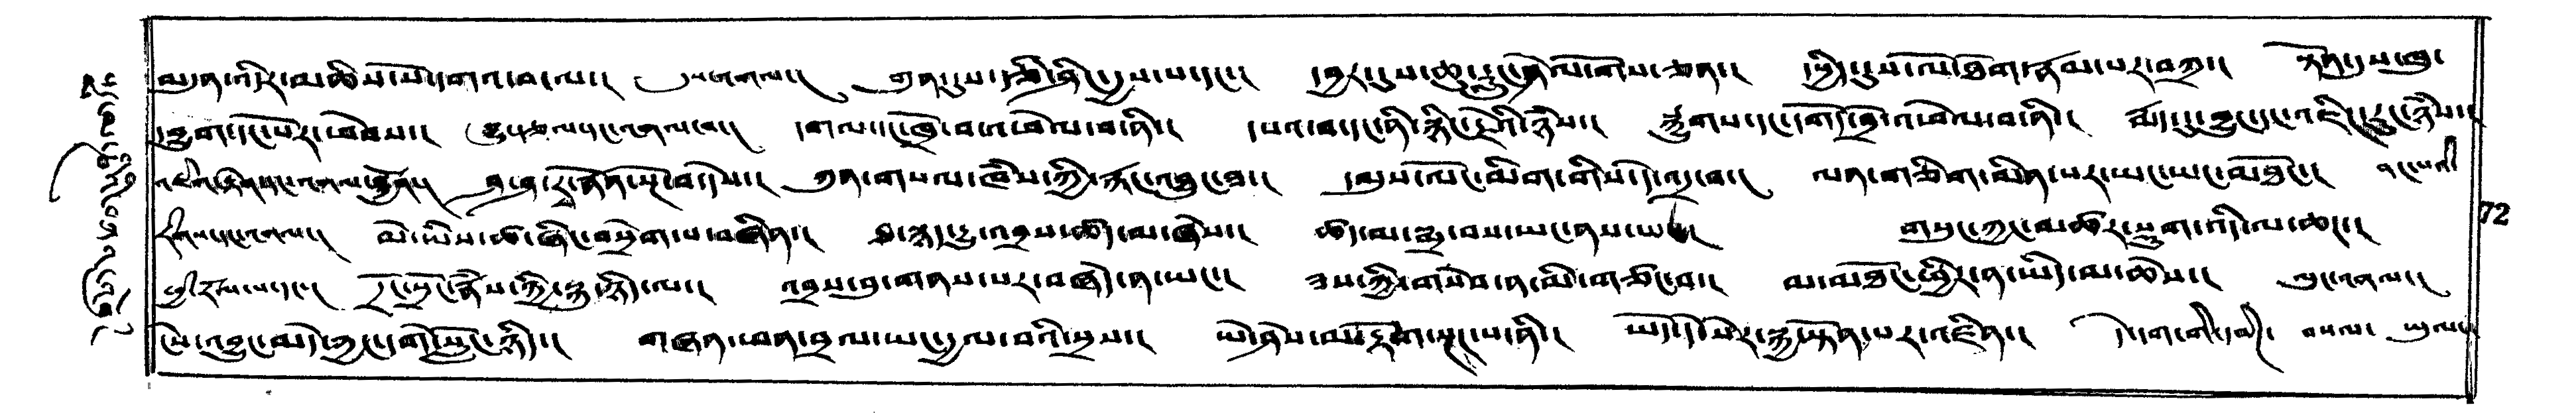།མདུན་འདིར་མཆིས་སོ་དགའ་བ་ལ། ། དུས་འགལ། དགུན་དུས་རྩི་ཤིང་རྒྱས་པ་དང་། །དབྱར་དུས་ཆུ་ཀླུང་ཤེལ་གོས་ཅན། །དཔྱིད་དུས་ལོ་ཐོག་རྣམ་པར་བཀྲ། །སྟོན་དུས་ཁུ་
བྱུག་དང་པོར་ཕེབས། ། སྒྱུ་རྩལ་དང་འགལ་བ། དགའ་དང་ཁྲོ་བ་འཕེལ་བ་ནི། །དཔའ་བ་དང་ནི་སྙིང་རྗེའི་ཉམས། །སྐྱུགས་དང་དགོད་བྲོ་འཕེལ་བ་ནི། །རྨད་དུ་བྱུང་དང་འཇིགས་རུང་ཉམས། ། 
འཇིག་རྟེན་དང་འགལ་སྐྱོན། ཤ་ཤ་རྭ་རྣོན་སྔོ་བ་དེས། །ཀུན་གསལ་ཁམས་ཀྱི་རྐང་འཐུང་ཟ། །དམུས་ལོང་མིག་གིས་དེ་འདྲ་བ། །ལན་གཅིག་མིན་པར་ཡང་ཡང་མཐོང་། ། ནང་པའི་
རིགས་པ་དང་འགལ་བ། མེ་ཡིས་ཚ་ཞིང་བསྲེག་པ་བཞིན། །ཐ་དད་རྒྱུ་འབྲས་ཚད་མ་ཞེས། །ཚད་མ་སྨྲ་བས་ཡང་ནས་ཡང་། །གསུངས་ཀྱང་མཚར་སྡུག་འདི་ལ་ཆགས། །
 ཕྱི་རོལ་པའི་རིགས་པ་དང་འགལ་པ། དྲང་སྲོང་རྣམས་ཀྱི་སྐུ་ཉིད་ལ། །འབྲས་བུ་གནས་པར་བཞེད་ན་ཡང་། །ཟས་ཀྱི་གསེབ་ན་མི་གཙང་བ། །མ་མཐོང་ཕྱིར་ན་ཡིད་མ་ཆེས། །ལུང་འགལ། 
ངེས་འབྱུང་མེད་ཀྱང་དགེ་སློང་ཉིད། །གཞན་ཕན་བྲལ་ཡང་རྒྱལ་བའི་སྲས། །ཡེ་ཤེས་མ་རྟོགས་སྔགས་པ་ནི། །ཡོད་དེ་སེར་སྐྱ་སྟོན་པར་འཛིན། ། དེ་དག་གི་དམིགས་བསལ་ཡུལ།